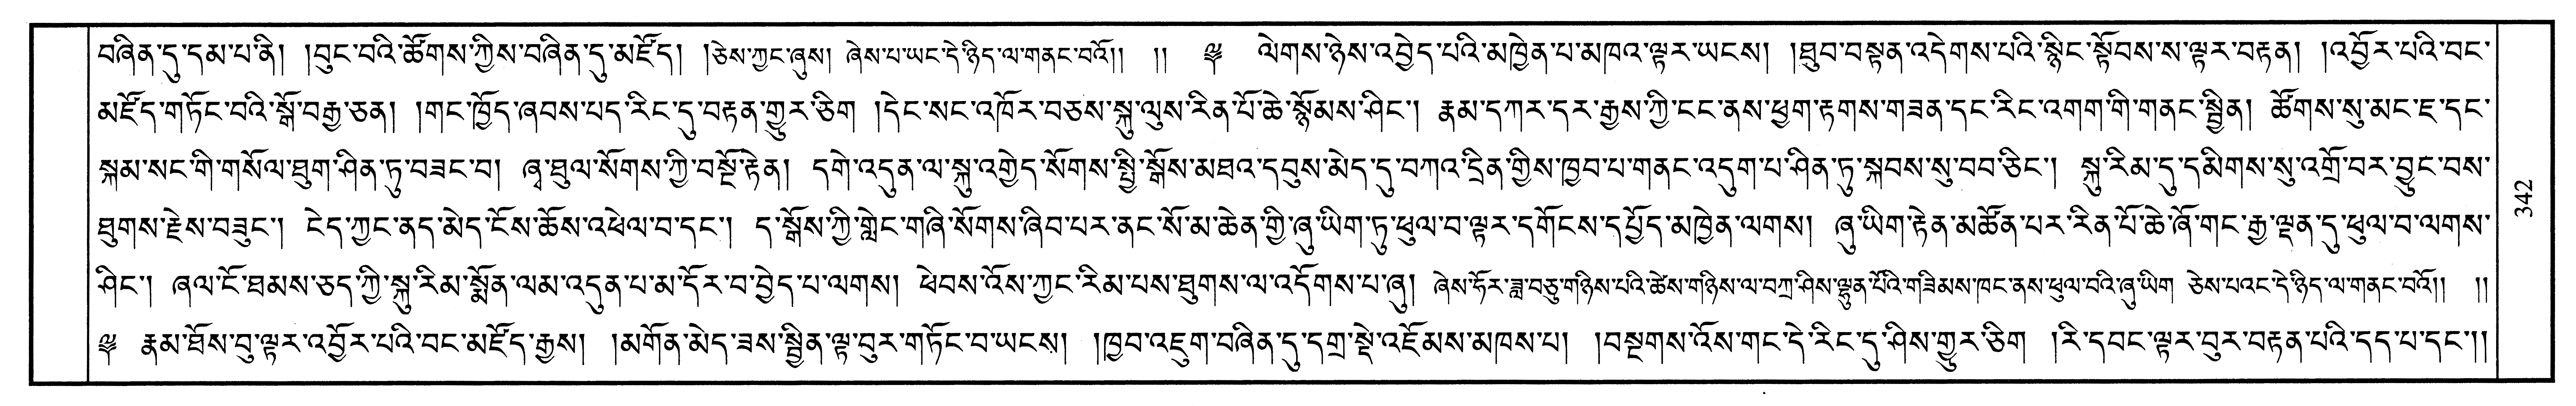བཞིན་དུ་དམ་པ་ནི། །བུང་བའི་ཚོགས་ཀྱིས་བཞིན་དུ་མཛོད། །ཅེས་ཀྱང་ཞུས། ཞེས་པ་ཡང་དེ་ཉིད་ལ་གནང་བའོ།། །། ༈ ལེགས་ཉེས་འབྱེད་པའི་མཁྱེན་པ་མཁའ་ལྟར་ཡངས། །ཐུབ་བསྟན་འདེགས་པའི་སྙིང་སྟོབས་ས་ལྟར་བརྟན། །འབྱོར་པའི་བང་
མཛོད་གཏོང་བའི་སྒོ་བརྒྱ་ཅན། །གང་ཁྱོད་ཞབས་པད་རིང་དུ་བརྟན་གྱུར་ཅིག །དེང་སང་འཁོར་བཅས་སྐུ་ལུས་རིན་པོ་ཆེ་སྙོམས་ཤིང་། རྣམ་དཀར་དར་རྒྱས་ཀྱི་ངང་ནས་ཕྱག་རྟགས་གཟན་དང་རིང་འགག་གི་གནང་སྦྱིན། ཚོགས་སུ་མང་ཇ་དང་
སྐམ་སང་གི་གསོལ་ཐུག་ཤིན་ཏུ་བཟང་བ། ཞྭ་ཐུལ་སོགས་ཀྱི་བསྔོ་རྟེན། དགེ་འདུན་ལ་སྐུ་འགྱེད་སོགས་སྤྱི་སྒོས་མཐའ་དབུས་མེད་དུ་བཀའ་དྲིན་གྱིས་ཁྱབ་པ་གནང་འདུག་པ་ཤིན་ཏུ་སྐབས་སུ་བབ་ཅིང་། སྐུ་རིམ་དུ་དམིགས་སུ་འགྲོ་བར་བྱུང་བས་
ཐུགས་རྗེས་བཟུང་། ངེད་ཀྱང་ནད་མེད་ངོས་ཆོས་འཕེལ་བ་དང་། ད་སྒོས་ཀྱི་གླེང་གཞི་སོགས་ཞིབ་པར་ནང་སོ་མ་ཆེན་གྱི་ཞུ་ཡིག་ཏུ་ཕུལ་བ་ལྟར་དགོངས་དཔྱོད་མཁྱེན་ལགས། ཞུ་ཡིག་རྟེན་མཚོན་པར་རིན་པོ་ཆེ་ཞོ་གང་རྒྱ་ལྡན་དུ་ཕུལ་བ་ལགས་
ཤིང་། ཞལ་ངོ་ཐམས་ཅད་ཀྱི་སྐུ་རིམ་སྨོན་ལམ་འདུན་པ་མ་དོར་བ་བྱེད་པ་ལགས། ཕེབས་འོས་ཀྱང་རིམ་པས་ཐུགས་ལ་འདོགས་པ་ཞུ། ཞེས་ཧོར་ཟླ་བཅུ་གཉིས་པའི་ཚེས་གཉིས་ལ་བཀྲ་ཤིས་ལྷུན་པོའི་གཟིམས་ཁང་ནས་ཕུལ་བའི་ཞུ་ཡིག་ཅེས་པའང་དེ་ཉིད་ལ་གནང་བའོ།། །།
༈ རྣམ་ཐོས་བུ་ལྟར་འབྱོར་པའི་བང་མཛོད་རྒྱས། །མགོན་མེད་ཟས་སྦྱིན་ལྟ་བུར་གཏོང་བ་ཡངས། །ཁྱབ་འཇུག་བཞིན་དུ་དགྲ་སྡེ་འཇོམས་མཁས་པ། །བསྔགས་འོས་གང་དེ་རིང་དུ་ཤིས་གྱུར་ཅིག །རི་དབང་ལྟར་བུར་བརྟན་པའི་དད་པ་དང།།